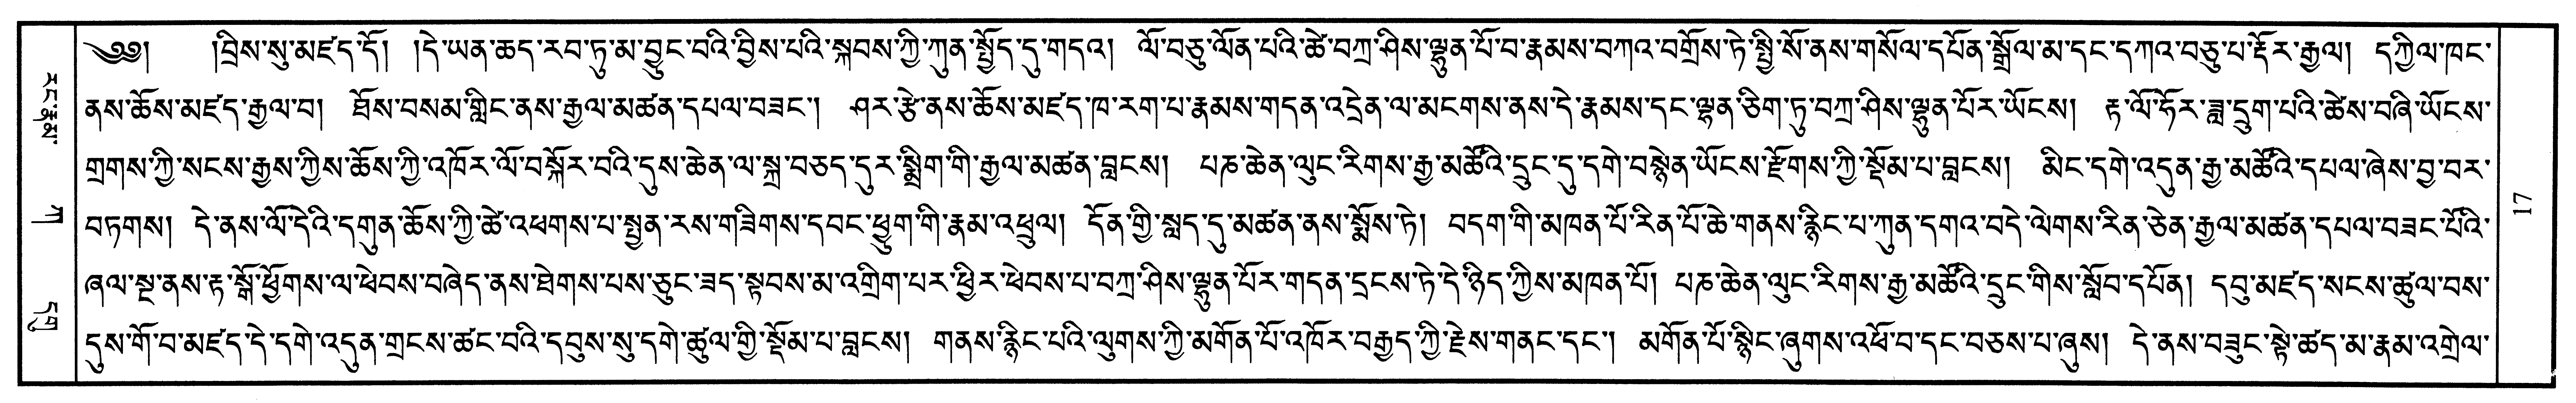༄༅། །བྲིས་སུ་མཛད་དོ། །དེ་ཡན་ཆད་རབ་ཏུ་མ་བྱུང་བའི་བྱིས་པའི་སྐབས་ཀྱི་ཀུན་སྤྱོད་དུ་གདའ། ལོ་བཅུ་ལོན་པའི་ཚེ་བཀྲ་ཤིས་ལྷུན་པོ་བ་རྣམས་བཀའ་བགྲོས་ཏེ་སྤྱི་སོ་ནས་གསོལ་དཔོན་སྒྲོལ་མ་དང་དཀའ་བཅུ་པ་རྡོར་རྒྱལ། དཀྱིལ་ཁང་
ནས་ཆོས་མཛད་རྒྱལ་བ། ཐོས་བསམ་གླིང་ནས་རྒྱལ་མཚན་དཔལ་བཟང་། ཤར་རྩེ་ནས་ཆོས་མཛད་ཁ་རག་པ་རྣམས་གདན་འདྲེན་ལ་མངགས་ནས་དེ་རྣམས་དང་ལྷན་ཅིག་ཏུ་བཀྲ་ཤིས་ལྷུན་པོར་ཡོངས། རྟ་ལོ་ཧོར་ཟླ་དྲུག་པའི་ཚེས་བཞི་ཡོངས་
གྲགས་ཀྱི་སངས་རྒྱས་ཀྱིས་ཆོས་ཀྱི་འཁོར་ལོ་བསྐོར་བའི་དུས་ཆེན་ལ་སྐྲ་བཅད་དུར་སྨྲིག་གི་རྒྱལ་མཚན་བླངས། པཎ་ཆེན་ལུང་རིགས་རྒྱ་མཚོའི་དྲུང་དུ་དགེ་བསྙེན་ཡོངས་རྫོགས་ཀྱི་སྡོམ་པ་བླངས། མིང་དགེ་འདུན་རྒྱ་མཚོའི་དཔལ་ཞེས་བྱ་བར་
བཏགས། དེ་ནས་ལོ་དེའི་དགུན་ཆོས་ཀྱི་ཚེ་འཕགས་པ་སྤྱན་རས་གཟིགས་དབང་ཕྱུག་གི་རྣམ་འཕྲུལ། དོན་གྱི་སླད་དུ་མཚན་ནས་བདེ་ལེགས་རིན་ཅེན་རྒྱལ་མཚན་དཔལ་བཟང་པོའི་བདེ་ལེགས་རིན་ཅེན་རྒྱལ་མཚན་དཔལ་བཟང་པོའི་
ཞལ་སྔ་ནས་རྟ་སྒོ་ཕྱོགས་ལ་ཕེབས་བཞེད་ནས་ཐེགས་པས་ཅུང་ཟད་སྟབས་མ་འགྲིག་པར་ཕྱིར་ཕེབས་པ་བཀྲ་ཤིས་ལྷུན་པོར་གདན་དྲངས་ཏེ་དེ་ཉིད་ཀྱིས་མཁན་པོ། པཎ་ཆེན་ལུང་རིགས་རྒྱ་མཚོའི་དྲུང་གིས་སློབ་དཔོན། དབུ་མཛད་སངས་ཚུལ་བས་
དུས་གོ་བ་མཛད་དེ་དགེ་འདུན་གྲངས་ཚང་བའི་དབུས་སུ་དགེ་ཚུལ་གྱི་སྡོམ་པ་བླངས། གནས་རྙིང་པའི་ལུགས་ཀྱི་མགོན་པོ་འཁོར་བརྒྱད་ཀྱི་རྗེས་གནང་དང་། མགོན་པོ་སྙིང་ཞུགས་འཕོ་བ་དང་བཅས་པ་ཞུས། དེ་ནས་བཟུང་སྟེ་ཚད་མ་རྣམ་འགྲེལ་